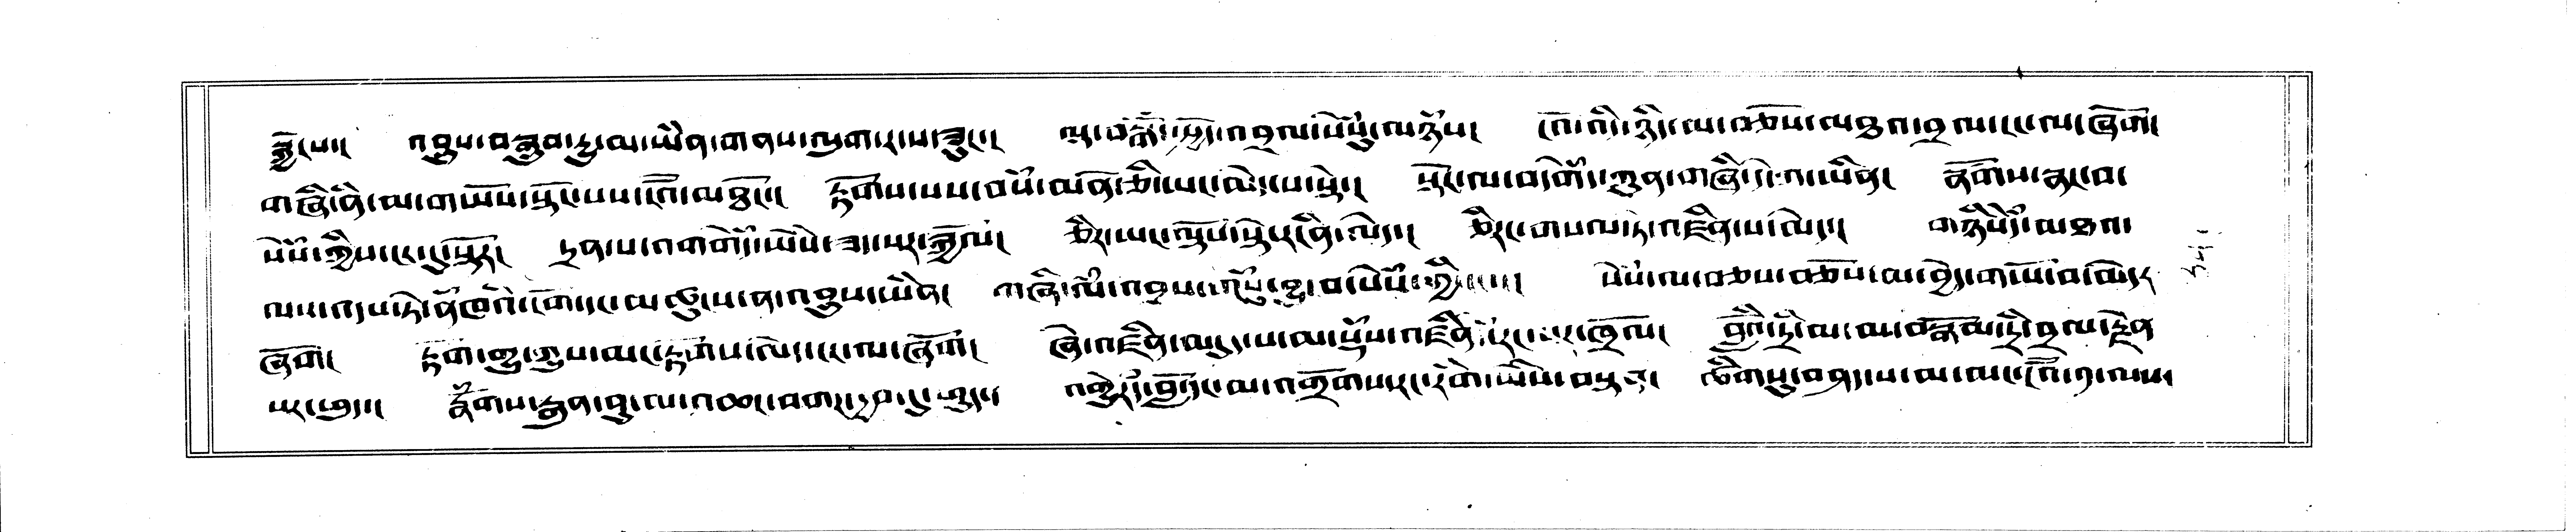སྐྱོང་། འབྲས་བུ་བསྒྲུབ་རྒྱུ་མ་ཡིན་གནས་ལུགས་རང་ས་ཟུངས། ལྟ་སྒོམས་སྤྱོད་འབྲས་སེམས་སུ་མཉམ་པ་ན། ངོའོ་འདི་ཉིད་མ་བཅོས་མཐའ་བྲལ་ངང་ལ་ཞོག
 གཞི་ནི་མ་གཡོས་སྟོང་པའི་ངོའོ་མཐོང་། རྟོག་པའི་བསམ་མནོའ་ཅི་ཡང་མེད་པ་སྟེ། སྟོང་ལ་བདག་མེད་ཀུན་གཞི་དེ་ཀ་ཡིན། སྣ་ཚོགས་སྣང་བ་
སེམས་ཀྱིས་ངང་དུ་ཤེས། དྲན་པ་འགག་མེད་རང་འབྱུང་གསལ་བར་ཤེས། ཐམས་ཅད་ངོས་ཀྱིས་བཟུང་ནས་དབྱིངས་སུ་བཞག་པ་དེ། མི་འབྲལ་རྒྱུན་དུ་སྐྱོང་བ་ལམ་གྱིས་དུས་ཡིན་ནོ། སྣ་ཚོགས་སྣང་བ་སེམས་ཀྱིས་ངང་དུ་ལྟོར་༼སྟོར༽། དྲན་པ་གྷག་(འགག)མེད་ཡེ་ཤེས་ཟད་སར་སྐྱོལ། ཅི་ཡང་སྟོང་སྟེ་རང་བཞིན་མེད། ཅིར་ཡང་གསལ་ཏེ་འཛིན་པ་དེ། གཉིས་མེད་མཐའ་
ལས་འདས་སྟེ་ནམ་མཁའི་ངོག་དང་མཚུང་ན་འབྲས་བུ་ཡིན་ནོ། གཞི་ལམ་འབྲས་གསུམ་དབྱིངས་སུ་བྱང་ཆུབ་སེམས་ཀྱིས་ངང་། སེམས་ལ་བཅས་བཅོས་མ་བྱེད་གཡོའ་བ་མེད་པར་
ཞོག རྟོག་པ་གྱ་གྱུ་མ་མང་རྟོག་མེད་ངང་ལ་ཞོག ཞེ་འཛིན་མདུད་པས་མ་བསྡམ་འཛིན་མེད་རང་སར་ཁྲོལ། བློའི་དྲི་མས་མ་སྒོམ་༼བསྒོ༽དྲི་བྲལ་རྗེན་
པར་ཕུད། རྣམ་རྟོག་རྐུན་བུ་མ་འཆང་བག་ཆགས་རྒྱབ་དུ་ཕུད། འགྱུ་བྱེད་བློ་དང་མ་འགྲོགས་རང་རིག་ཡེ་ཤེས་བརྟེན། ཚིགས་སུ་བཤད་པ་མང་ཡང་ངོའོ་གཅིག་ལས་